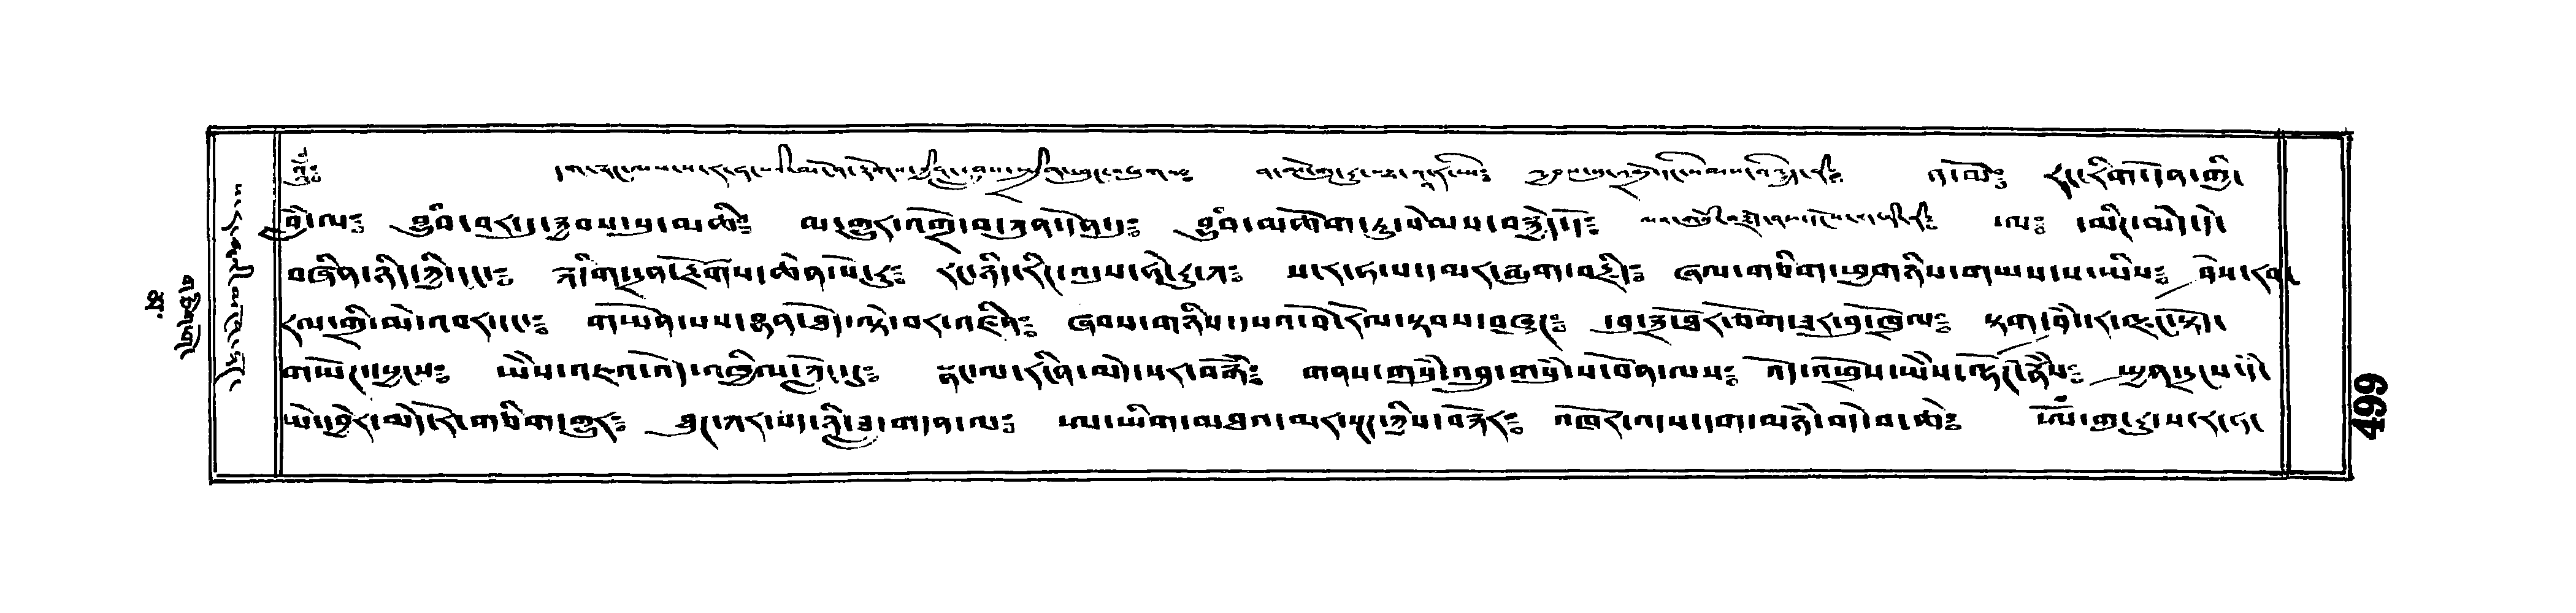དག་སྣང་ལས༔ ས་ར་ཧ་པའི་མངོན་རྟོགས་བྱིན་རླབས་སྤྲིན་ཕུང་བཞུགས༔ ན་མོ་གུ་རུ་པདྨ་ཀཱ་ར་ཡེ༔ སྐྱབས་སུ་འགྲོ་དང་སེམས་བསྐྱེད་ནི༔ ན་མོ༔ རང་རིག་དོན་གྱི་
བླ་མ༔ བྱང་ཆུབ་བར་དུ་སྐྱབས་སུ་མཆི༔ མ་གྱུར་འགྲོ་བ་ཀུན་དོན་དུ༔ བྱང་ཆུབ་མཆོག་ཏུ་སེམས་བསྐྱེད་དོ༔ ལན་གསུམ་བརྗོད་ནས་དངོས་གཞི་ནི༔ ཨཱཿ དམིགས་མེད་དེ་
བཞིན་ཉིད་ཀྱི་ངང༔ སྐད་ཅིག་དྲན་རྫོགས་ཆེན་པོ་རུ༔ རང་ཉིད་རིགས་འདུས་ཧེ་རུ་ཀ༔ ས་ར་ཧ་པ་དམར་སྨུག་བརྗིད༔ ཞལ་གཅིག་ཕྱག་གཉིས་གཡས་པ་ཡིས༔ ཤེས་རབ་
རལ་གྲི་མེ་འབར་དང༔ གཡོན་པས་བྷན་ཐོད་ལྟེ་བར་འཛིན༔ ཞབས་གཉིས་དཔའ་བོ་རོལ་སྟབས་བཞུགས༔ དབུ་སྐྲ་ཐོར་ཅོག་ཟར་བུ་ཁྲོལ༔ སྟག་ཤམ་དར་ལྗང་སྟོད་
གཡོགས་དཔྱངས༔ ཡེ་ཤེས་འཇའ་འོད་འཁྱིལ་ཀློང་དུ༔ སྣང་ལ་རང་བཞིན་མེད་པར་བསྒོམ༔ གནས་གསུམ་འབྲུ་གསུམ་ས་བོན་ལས༔ འོད་འཕྲོས་ཡེ་ཤེས་ལྷ་ཚོགས་རྣམས༔ སྤྱན་དྲངས་དམ་
ཡེ་དབྱེར་མེད་རོ་གཅིག་གྱུར༔ ཐུགས་ཀར་པད་ཉི་ཟླ་གདན་ལ༔ ཨ་ཡིག་མཐའ་མར་སྔགས་ཀྱིས་བསྐོར༔ འཁོར་འདས་དག་མཉམ་བདེ་བ་ཆེ༔ ཨོཾ་གུ་རུ་ས་ར་ཧ་